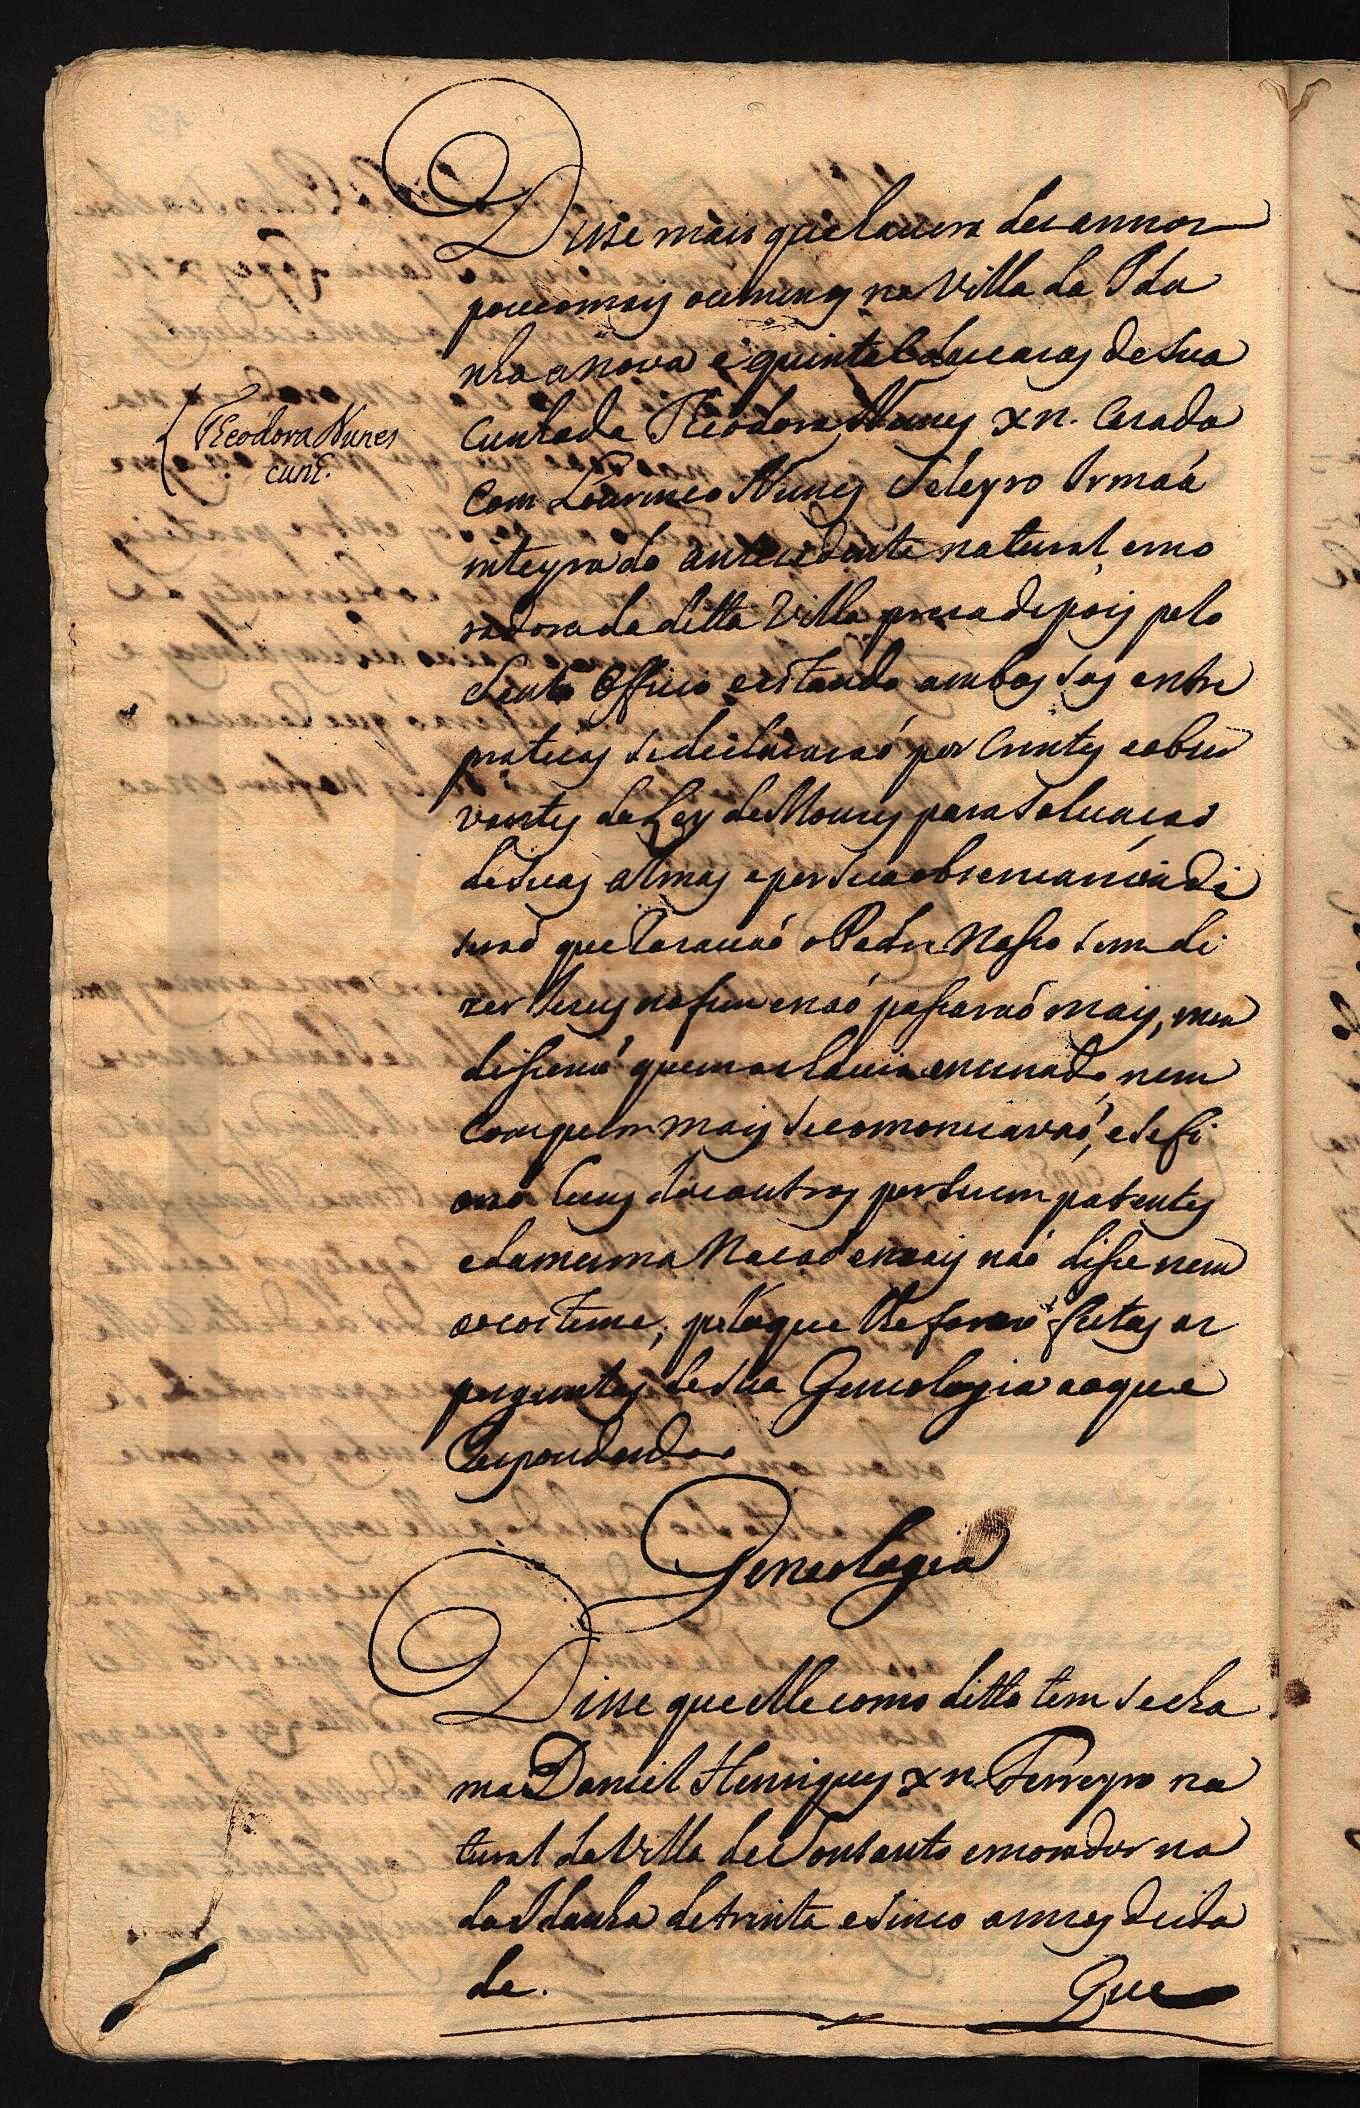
Disse mais que hauera des annos
pouco mais ou menos na Villa da Ida
nha a nova e quintal das cazas de sua
cunhada Theodora Nunes xn. cazada
Theodora Nunes
cunh.
com Lourenço Nunes Seleyro Irmaã
inteyra do antecedente natural, e mo
radora da ditta Villa preza depois pelo
Santo Officio e estando ambas sos entre
praticas se declararaõ por crentes e obser
vantes da Ley de Mouzes para Saluaçaõ
de Suas almas e por sua obseruancia di
seraõ que Rezauaõ o Padre Nosso sem di
zer Iezus no fim e naõ passaraõ mais, nem
disseraõ quem as hauia encinado, nem
com quem mais se comonicavaõ, e se fi
avaõ huns dos outros por serem parentes
e da mesma Naçaõ e mais naõ disse nem
ao costume; pelo que lhe foraõ feitas as
perguntas de sua Geneologia ao que
Respondendo.
Genealogia
Disse que elle como ditto tem se cha
ma Daniel Henriques xn Ferreyro na
tural da Villa de Sousanto e morador na
da Idanha de trinta e sinco annos de ida
de.
Que
